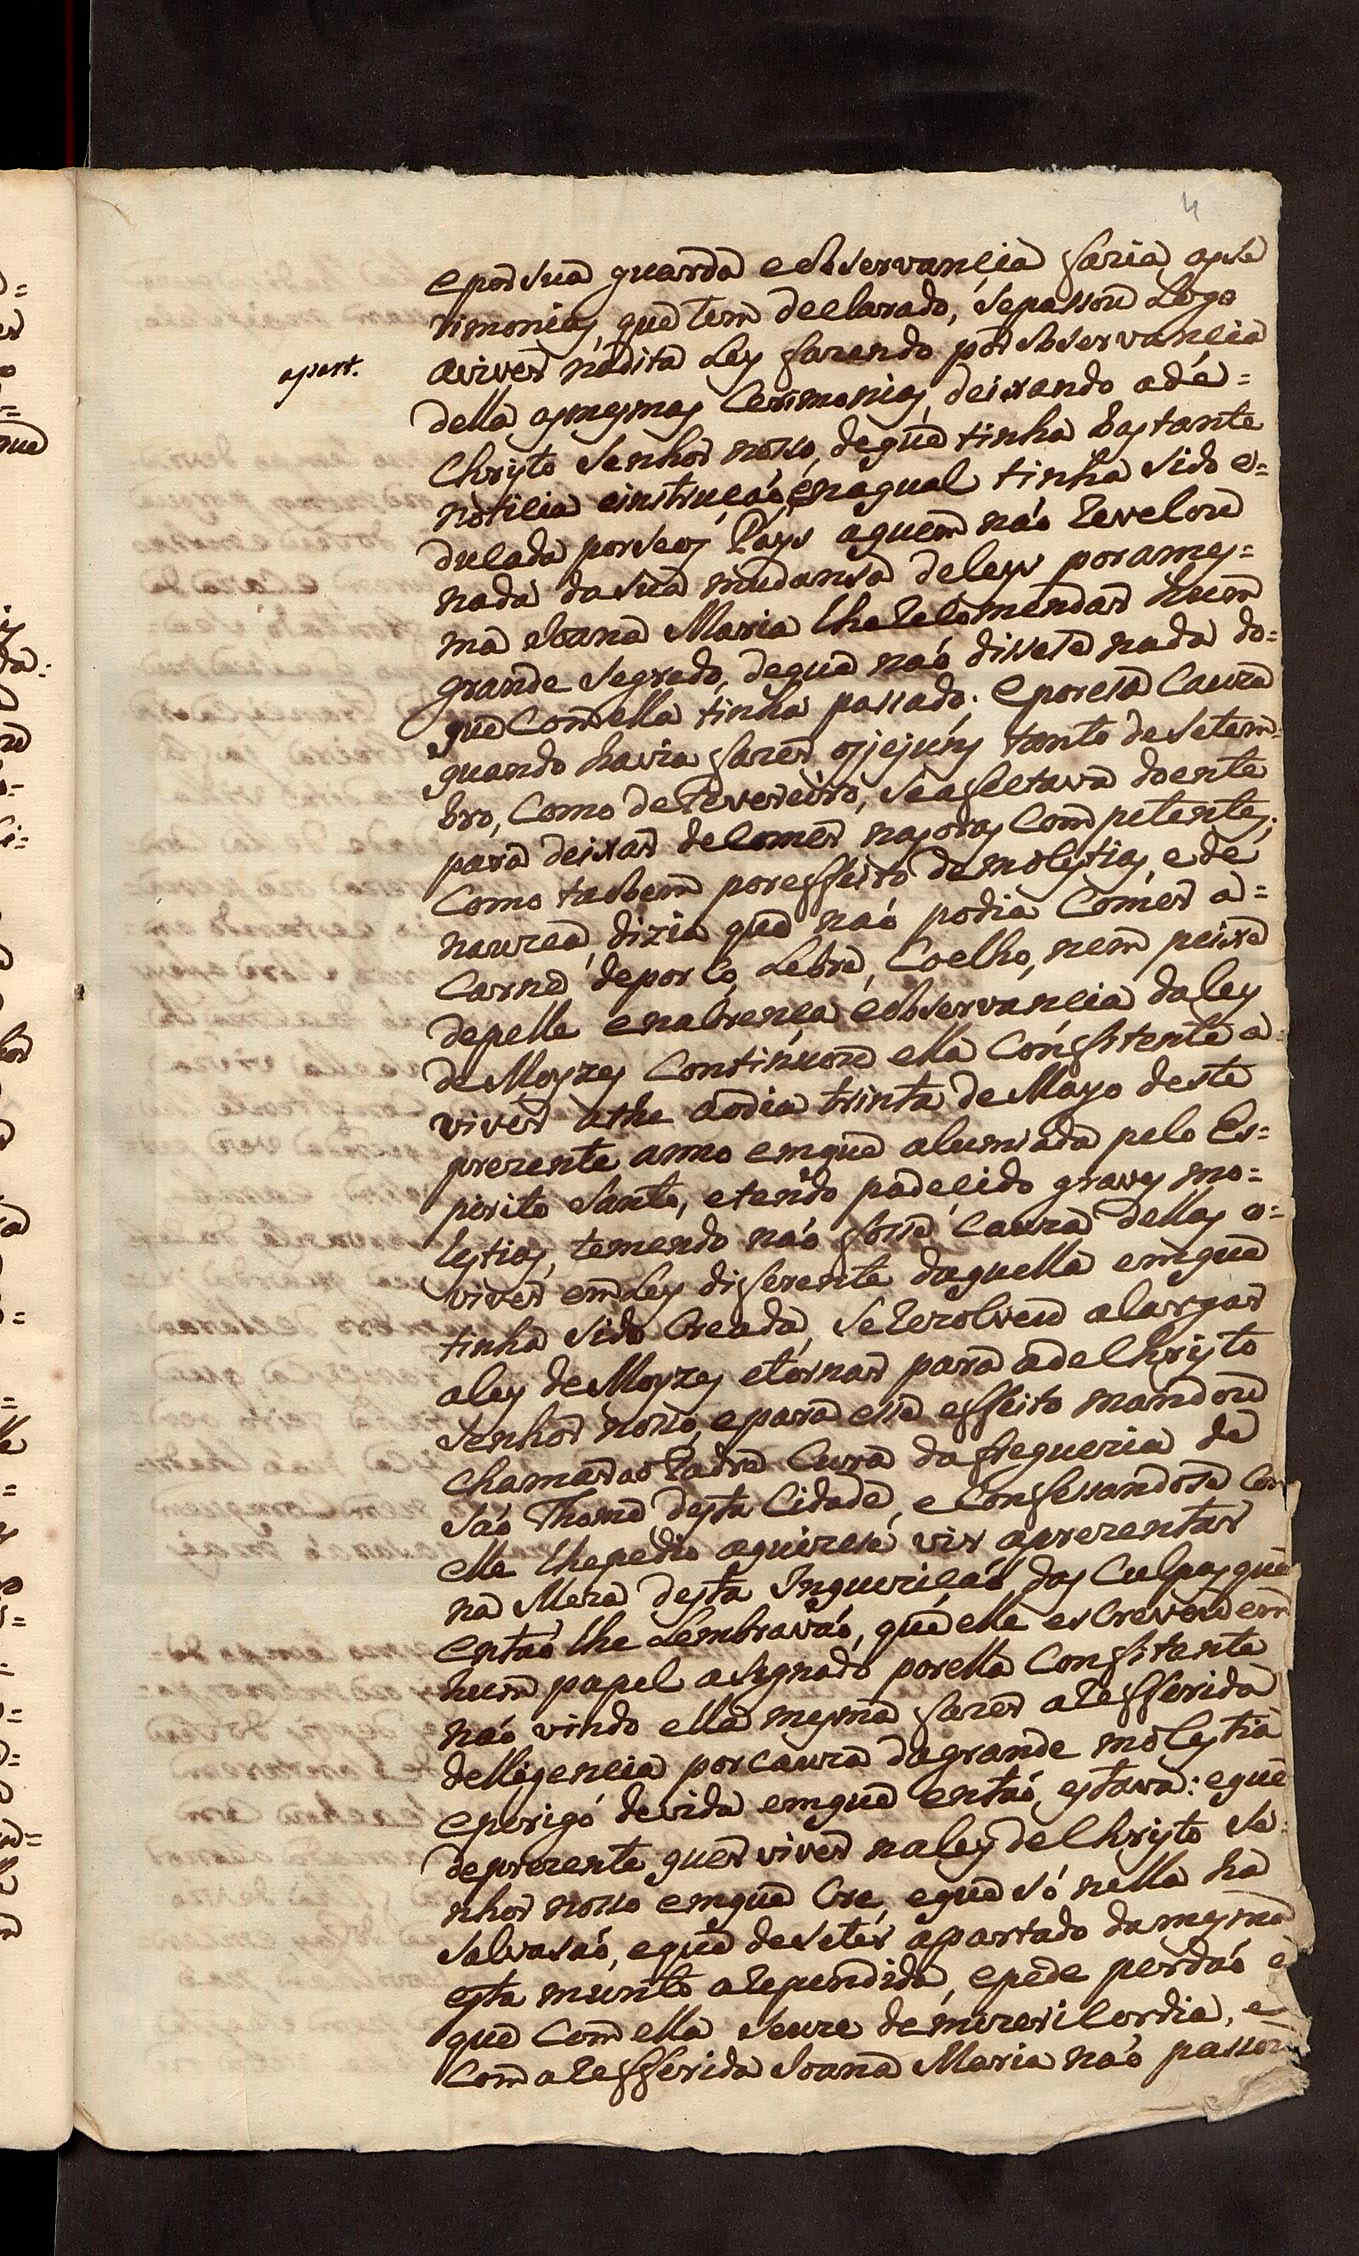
e por sua guarda e observancia fazia as se
rimonias que tem declarado, se passou Logo
a viver na dita Ley fazendo por observancia
apart.
della as mesmas Cerimonias, deixando a de
Christo Senhor nosso, de que tinha bastante
noticia e instruçaõ, e na qual tinha sido e
ducada por seos Pays a quem naõ Revelou
nada da sua mudansa de leys por a mes
ma Ioana Maria lhe Recomendar hum
grande segredo, de que naõ dissese nada do
que com ella tinha passado; e por esa cauza
quando havia fazer os jejuns tanto de setem
bro, Como de Fevereiro, se afectava doente
para deixar de comer nas oras competentes
como taobem por effeito de molestias, e de
nauzea dizia que naõ podia Comer a
Carne de porco, Lebre, Coelho, nem peixe
de pelle e na crença e observancia da ley
de Moyzes continuou ella confitente a
viver athe ao dia trinta de Mayo deste
prezente anno em que alumiada pelo Es
perito Santo, e tendo padecido graves mo
lestias, temendo naõ fosse cauza dellas o
viver em Ley diferente daquella em que
tinha sido Creada, se Rezolveu a largar
a ley de Moyzes e tornar para a de Christo
senhor nosso, e para esse effeito mandou
chamar ao Padre Cura da freguezia de
Saõ Thome desta Cidade, e Confessandose com
elle lhe pedio a quizese vir aprezentar
na Meza desta Inquiziçaõ das Culpas que
Entaõ lhe Lembravaõ, que elle escreveu em
hum papel asignado por ella Confitente
naõ vindo ella mesma fazer a Refferida
delligencia por cauza da grande molestia
e perigo de vida em que entaõ estava: e que
de prezente quer viver na ley de Christo se
nhor nosso em que cre, e que só nella ha
salvasaõ, e que de se ter apartado da mesma
esta munto aRependida, e pede perdaõ
que com ella se uze de mizericordia, e
Com a Refferida Ioana Maria naõ passou
